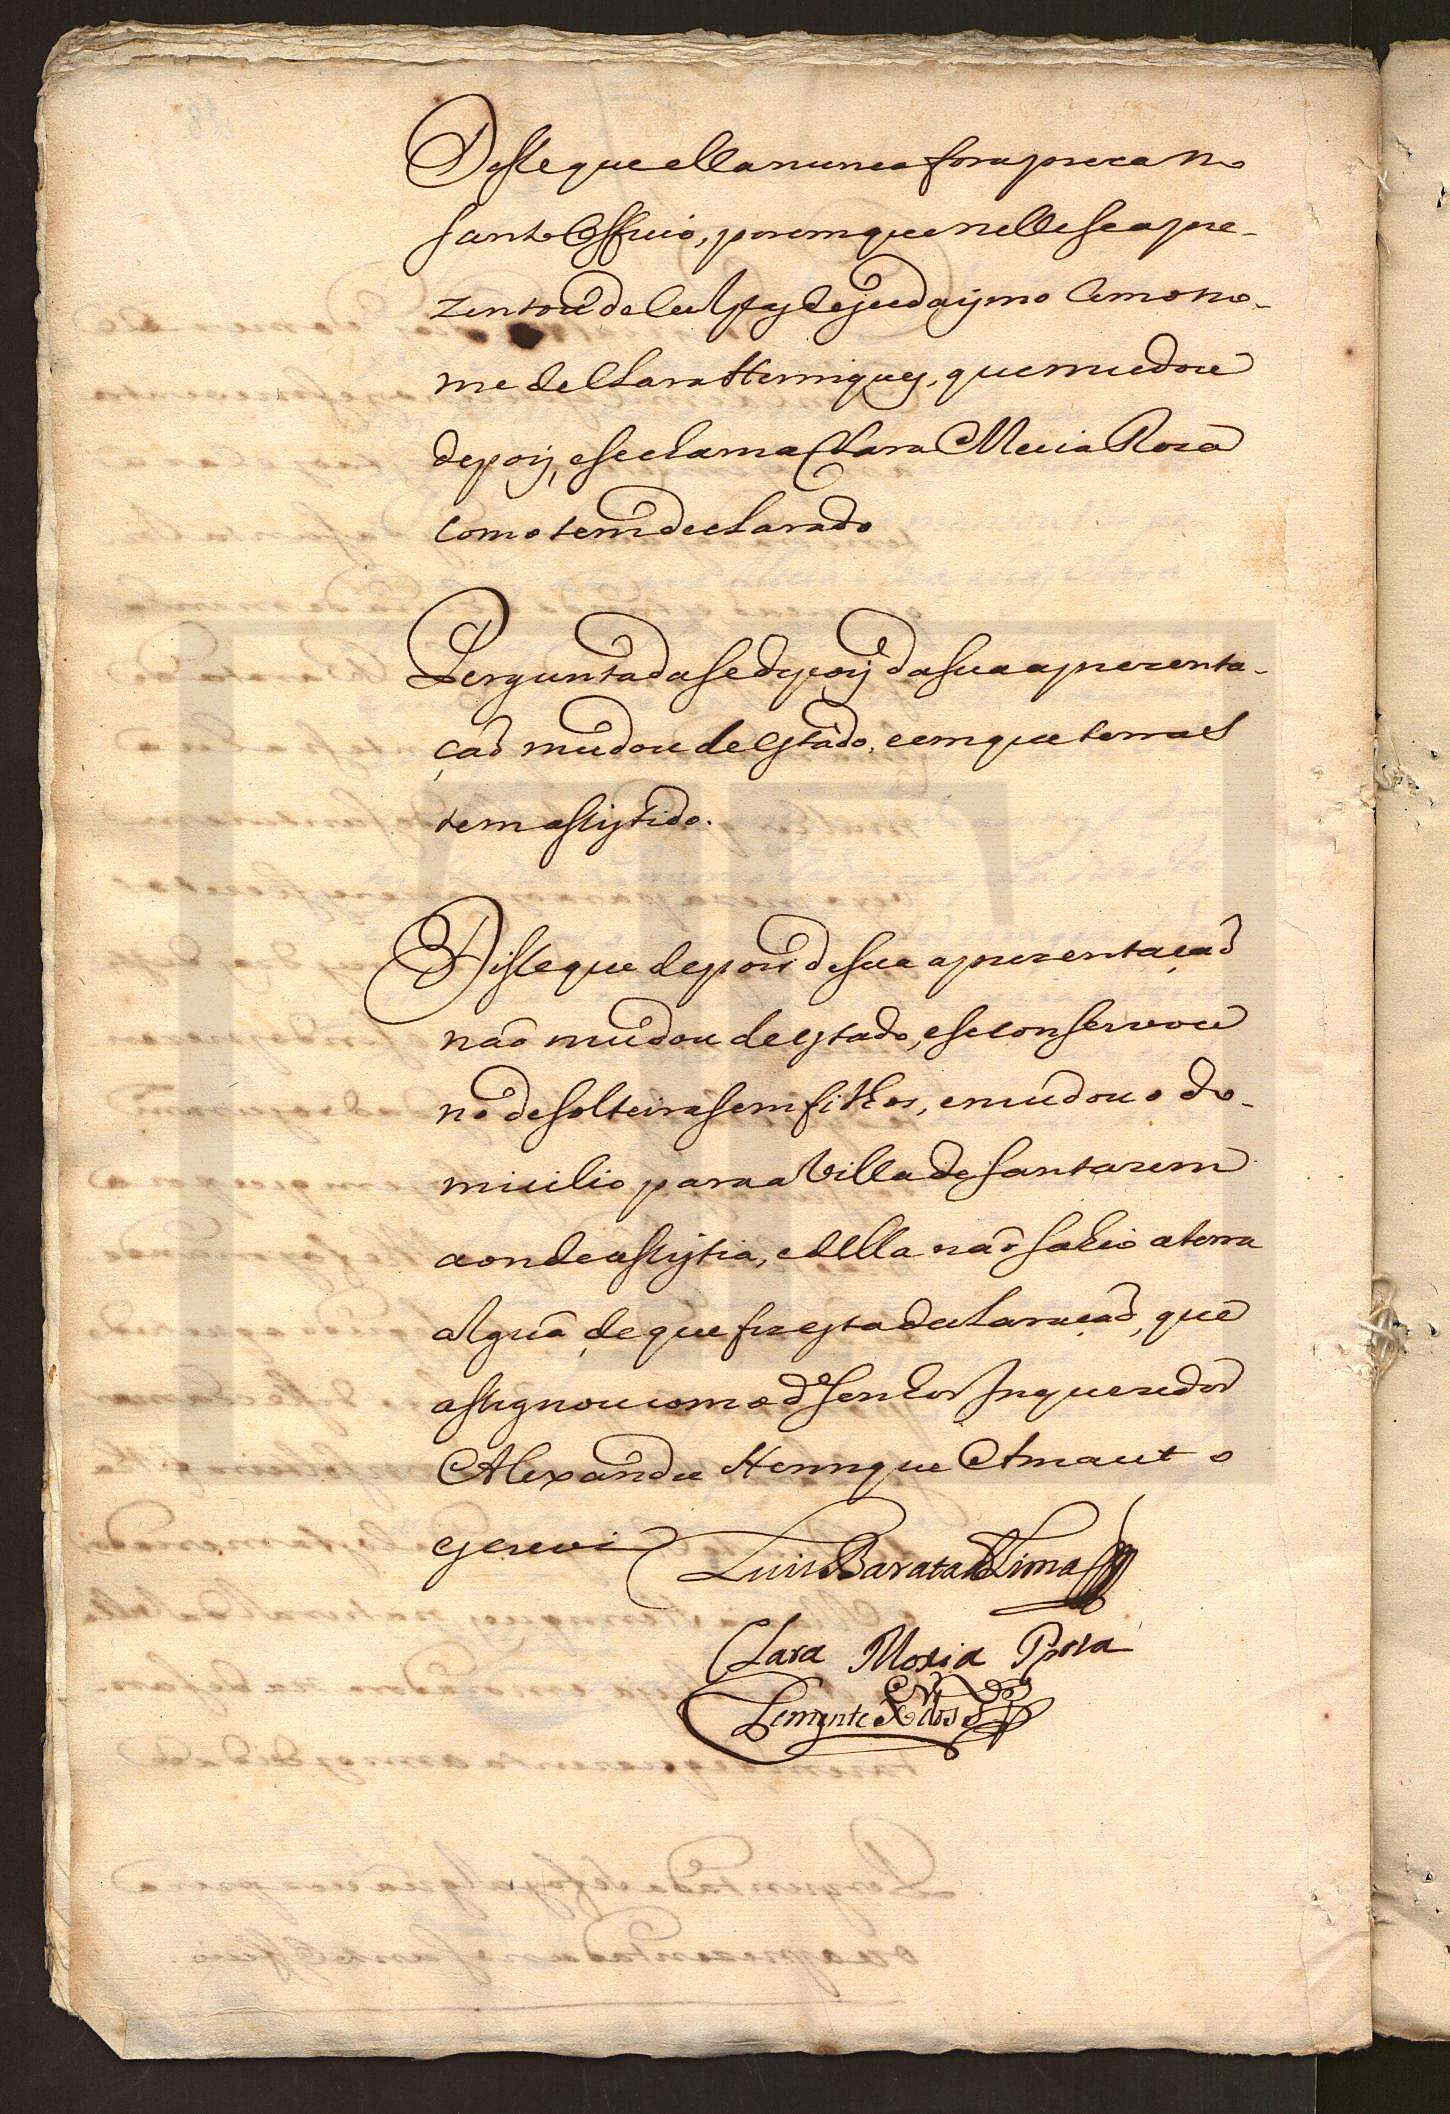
Disse que ella nunca fora preza no
santo Officio, porem que nelle se apre
zentou de Culpas de judaismo Com o no
me de Clara Henriques, que mudou
depois, e se chama CLara Mecia Roza
como tem declarado
Perguntada se depois da sua aprezenta
çaõ mudou de estado, e em que terras
tem assistido.
Disse que depois de sua aprezentaçaõ
naõ mudou de estado, e se conservou
no de solteira sem filhos, e mudou o do
micilio para a villa de santarem
aonde assistia, e della naõ sahio a terra
alguā de que fiz esta decLaraçaõ, que
assignou com o d.o senhor Jnquezidor
Alexandre Henrique Arnaut o
escrevi
